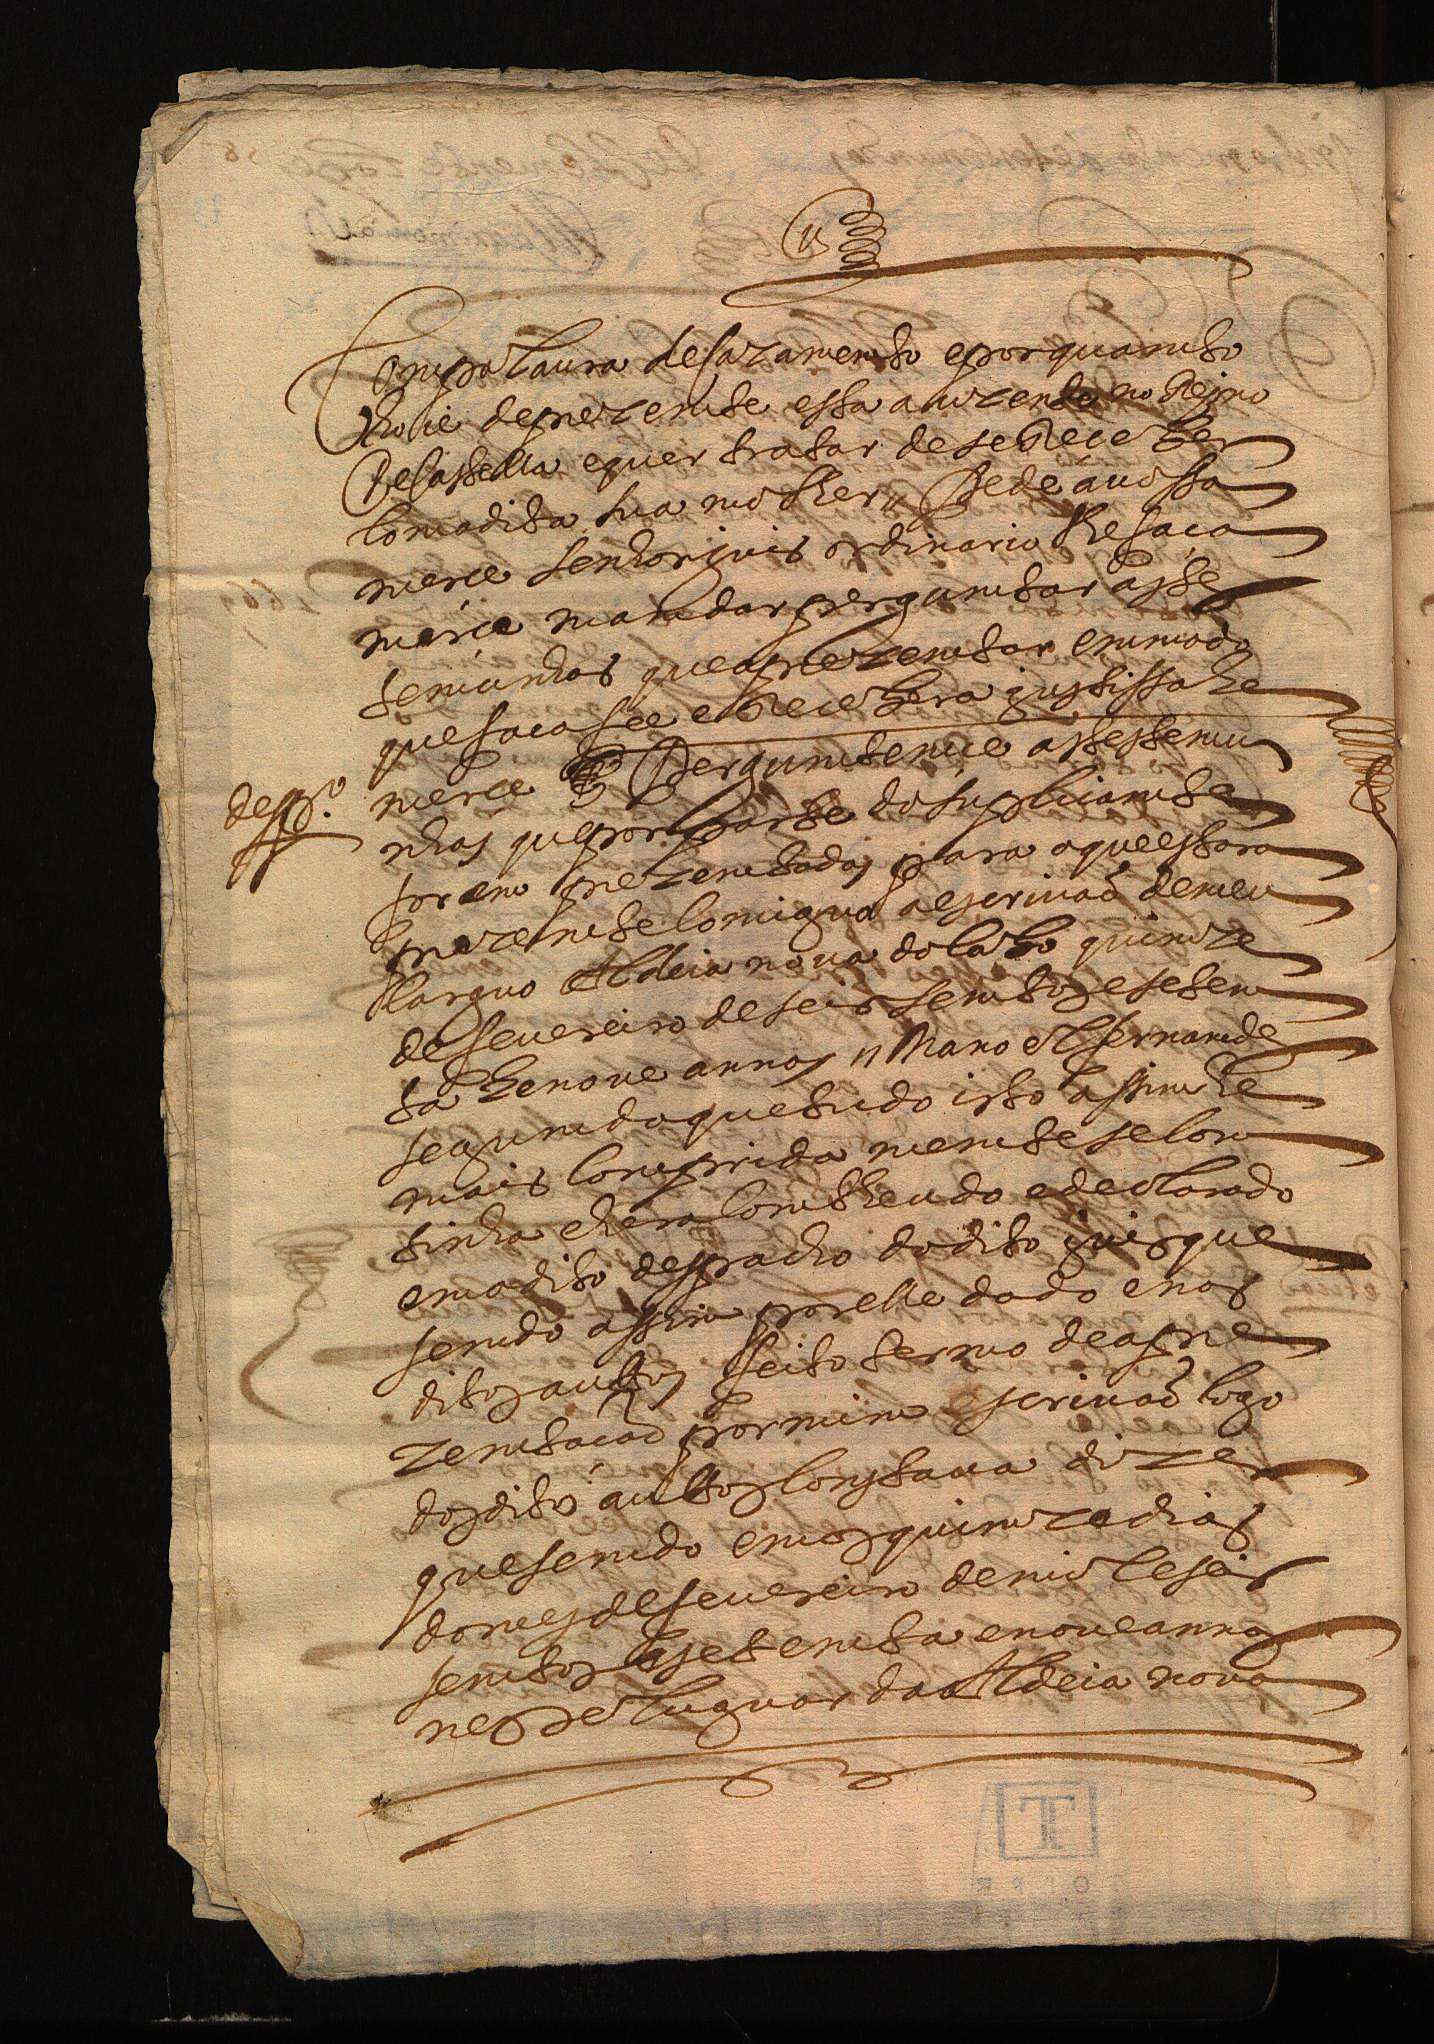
Com palaura de Cazamento e porquamto
hoie de prezemte esta auzente no Rejno
de Castella e quer tratar de se Reçeber
Com a dita sua molher // Pede a uossa
merçe senhor juis ordinario lhe faça
merçe mamdar pergumtar as tes
temunhas que aprezemtar em modo
que faca fee e Recebera justissa he
merçe ⁋ Pergumtemçe as testemu
nhas que por parte do suplicamte
forem prezemtadas para o que estara
prezemte Comiguo o escriuaõ de meu
Carguo Aldeia noua do Cabo quimze
de feuereiro de seissemtos e sesem
ta he noue annos // Manoel fernamdes
segumdo que tudo isto assim he
mais Compridamemte se Con
tinha e hera Comtheudo e declarado
em o dito despacho do dito juis que
semdo assim por elle dado e nos
ditos auttos feito termo de apre
zemtaçaõ por mim escriuaõ logo
dos ditos auttos Constaua dizer
que semdo em os quimze dias
do mes de feuereiro de mil e seis
semtos e setemta e noue annos
neste Luguar da Aldeia noua
desp.o
